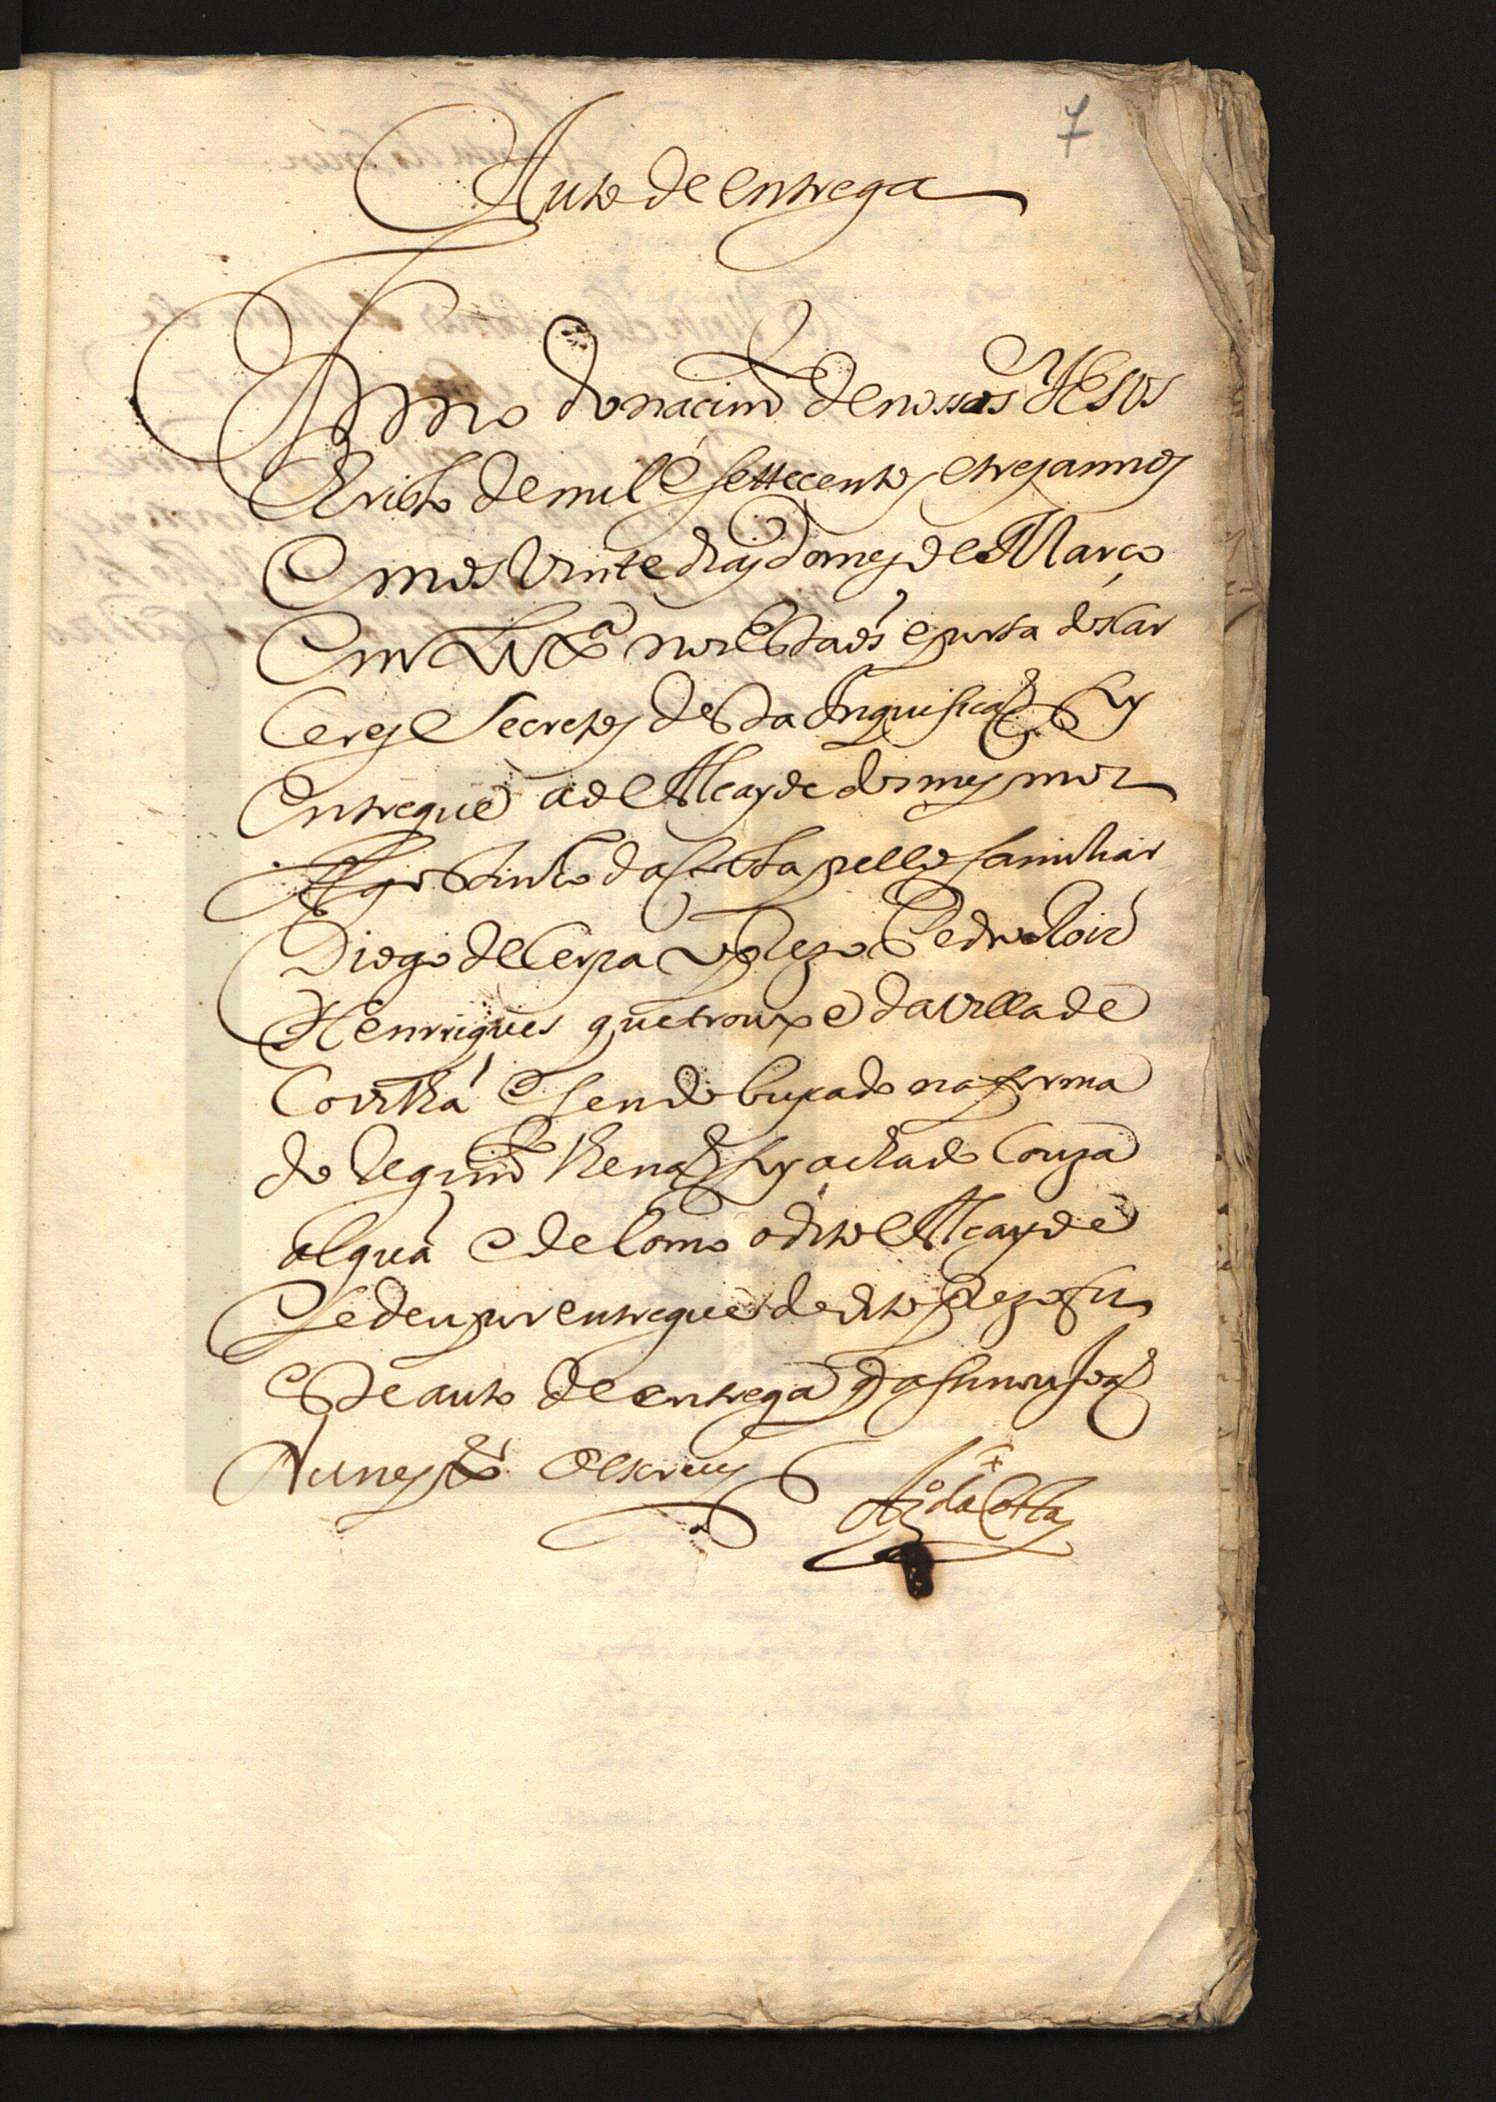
Auto de entrega
Anno do naçimto de nosso sor IESVS
Christo de mil e settecentos e tres annos
em os Vinte dias do mes de Março
em Lixa nos Estaós e porta dos Car
Ceres Secretos desta Inquisicaõ foy
entregue ao Alcayde dos mesmos
Agostinho da Costa pello familiar
Diogo de Cerpa o prezo Pedro Roiz̄
Henrriques que trouxe da villa de
Covilhã e sendo buscado na forma
do Regimto lhe naõ foy achado Couza
alguā e de Como o dito Alcayde
se deu por entregue do dito prezo fiz
este auto de entrega q̄ assinou Joaõ
Nunes xer o escreuj
Ago da Costa
